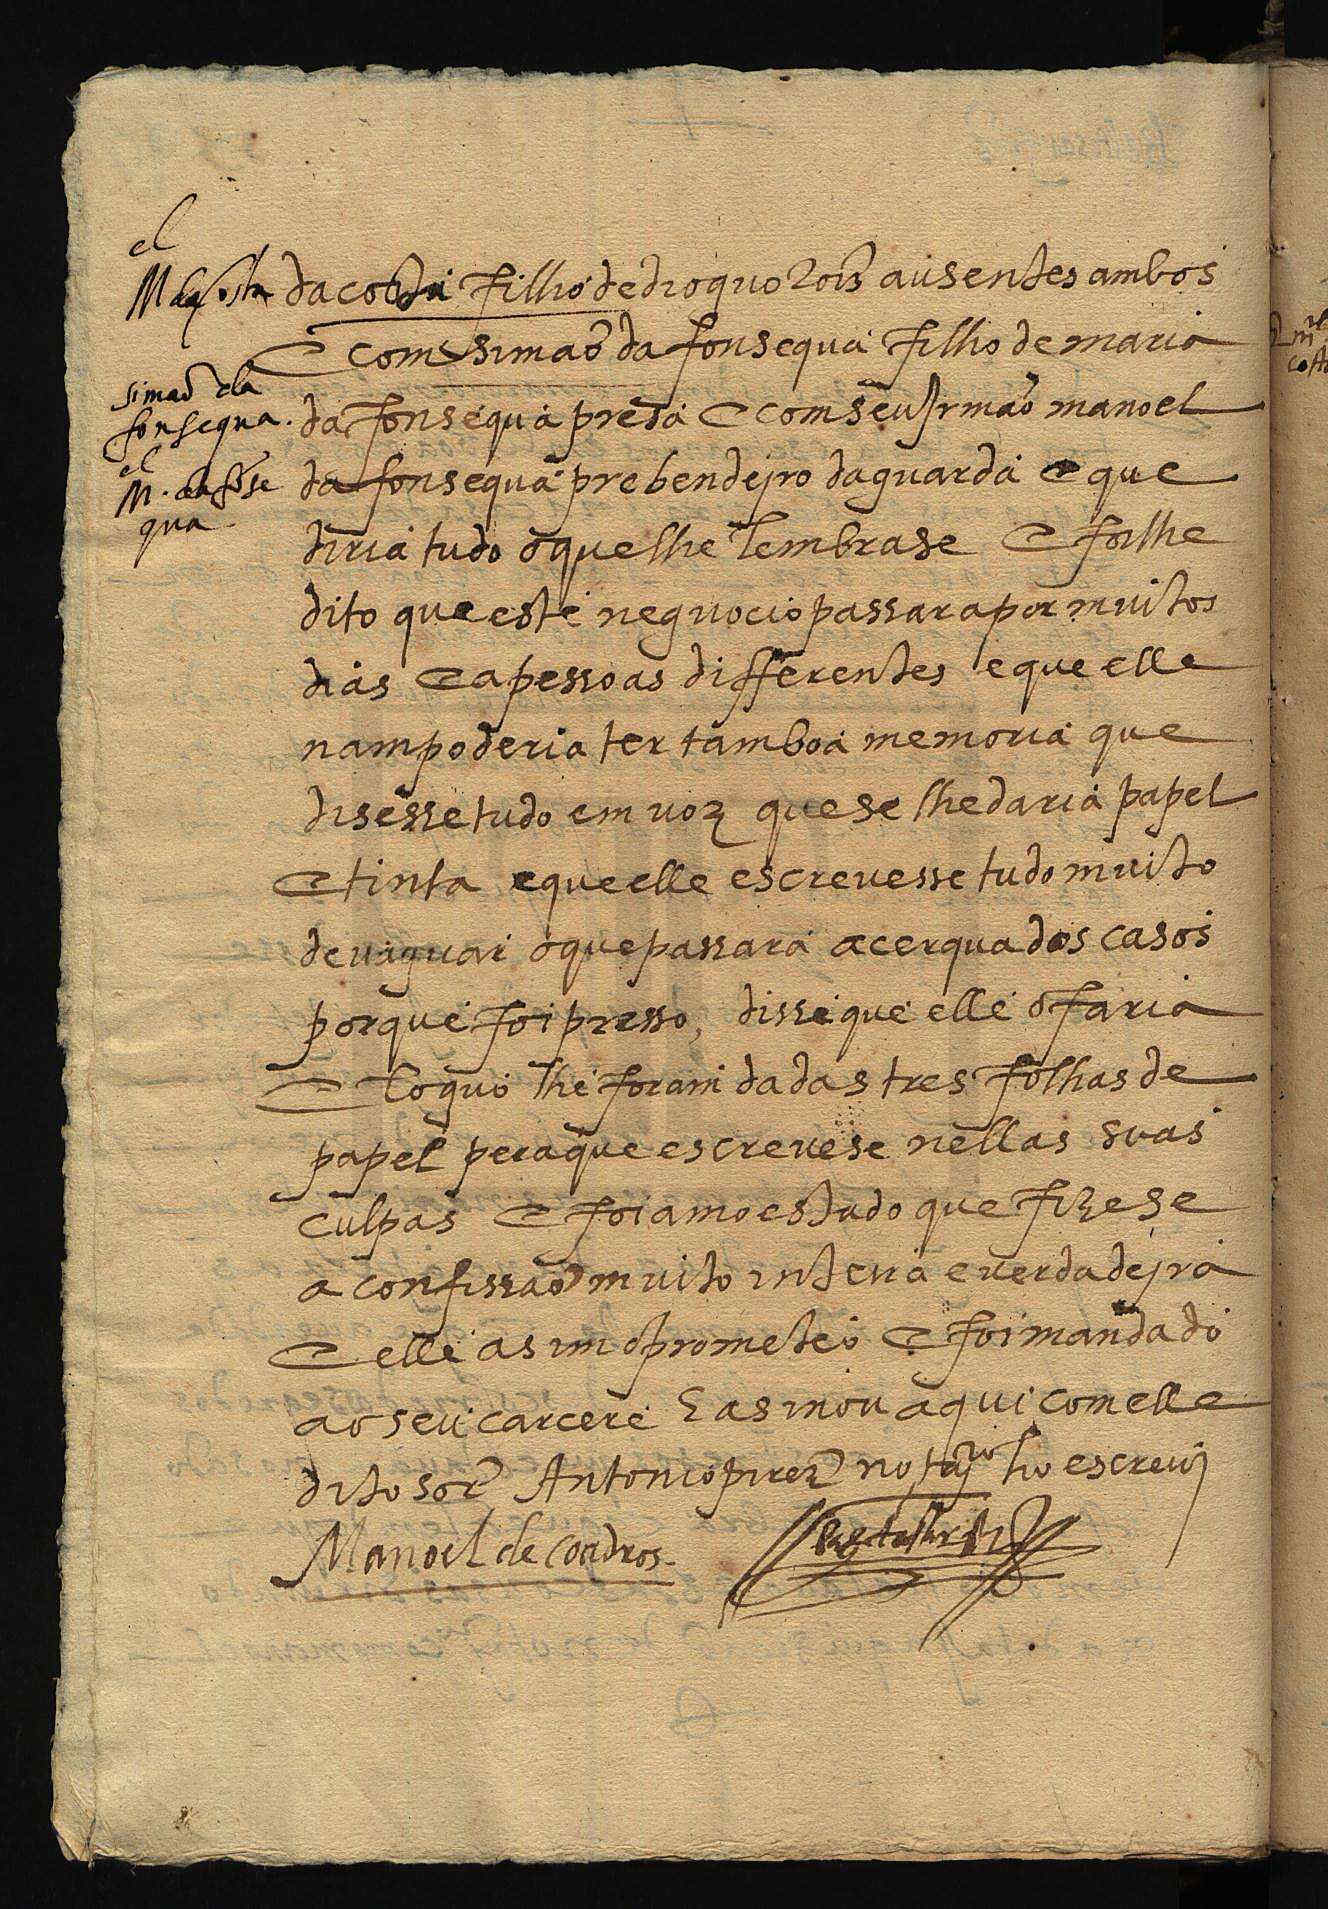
Mel da Costa
da costa filho de dioguo Roiz̄ ausentes ambos
e com simaõ da fonsequa filho de maria
Simaõ da
fonsequa.
Mel. da fōse
qua
da fonsequa presa e com seu Jrmaõ manoeL
da fonsequa prebendejro da guarda e que
diria tudo o que lhe lembrase e foilhe
dito que este neguocio passara por muitos
dias e a pessoas differentes e que elle
nam poderia ter tam boa memoria que
disesse tudo em uoz que se lhe daria papeL
e tinha e que elle escreuesse tudo muito
deuaguar o que passara acerqua dos casos
porque foi presso, disse que elle o faria
e loguo lhe foram dadas tres folhas de
papel pera que escreuese nellas suas
culpas e foi amoestado que fizese
a confissão muito inteira e uerdadejra
e elle asim o prometeo e foi mandado
ao seu carcere E asinou aqui com elle
dito sor̄ Antonio pirez̄ notajro ho escreuj
baltasar frz
Manoel de coadros
